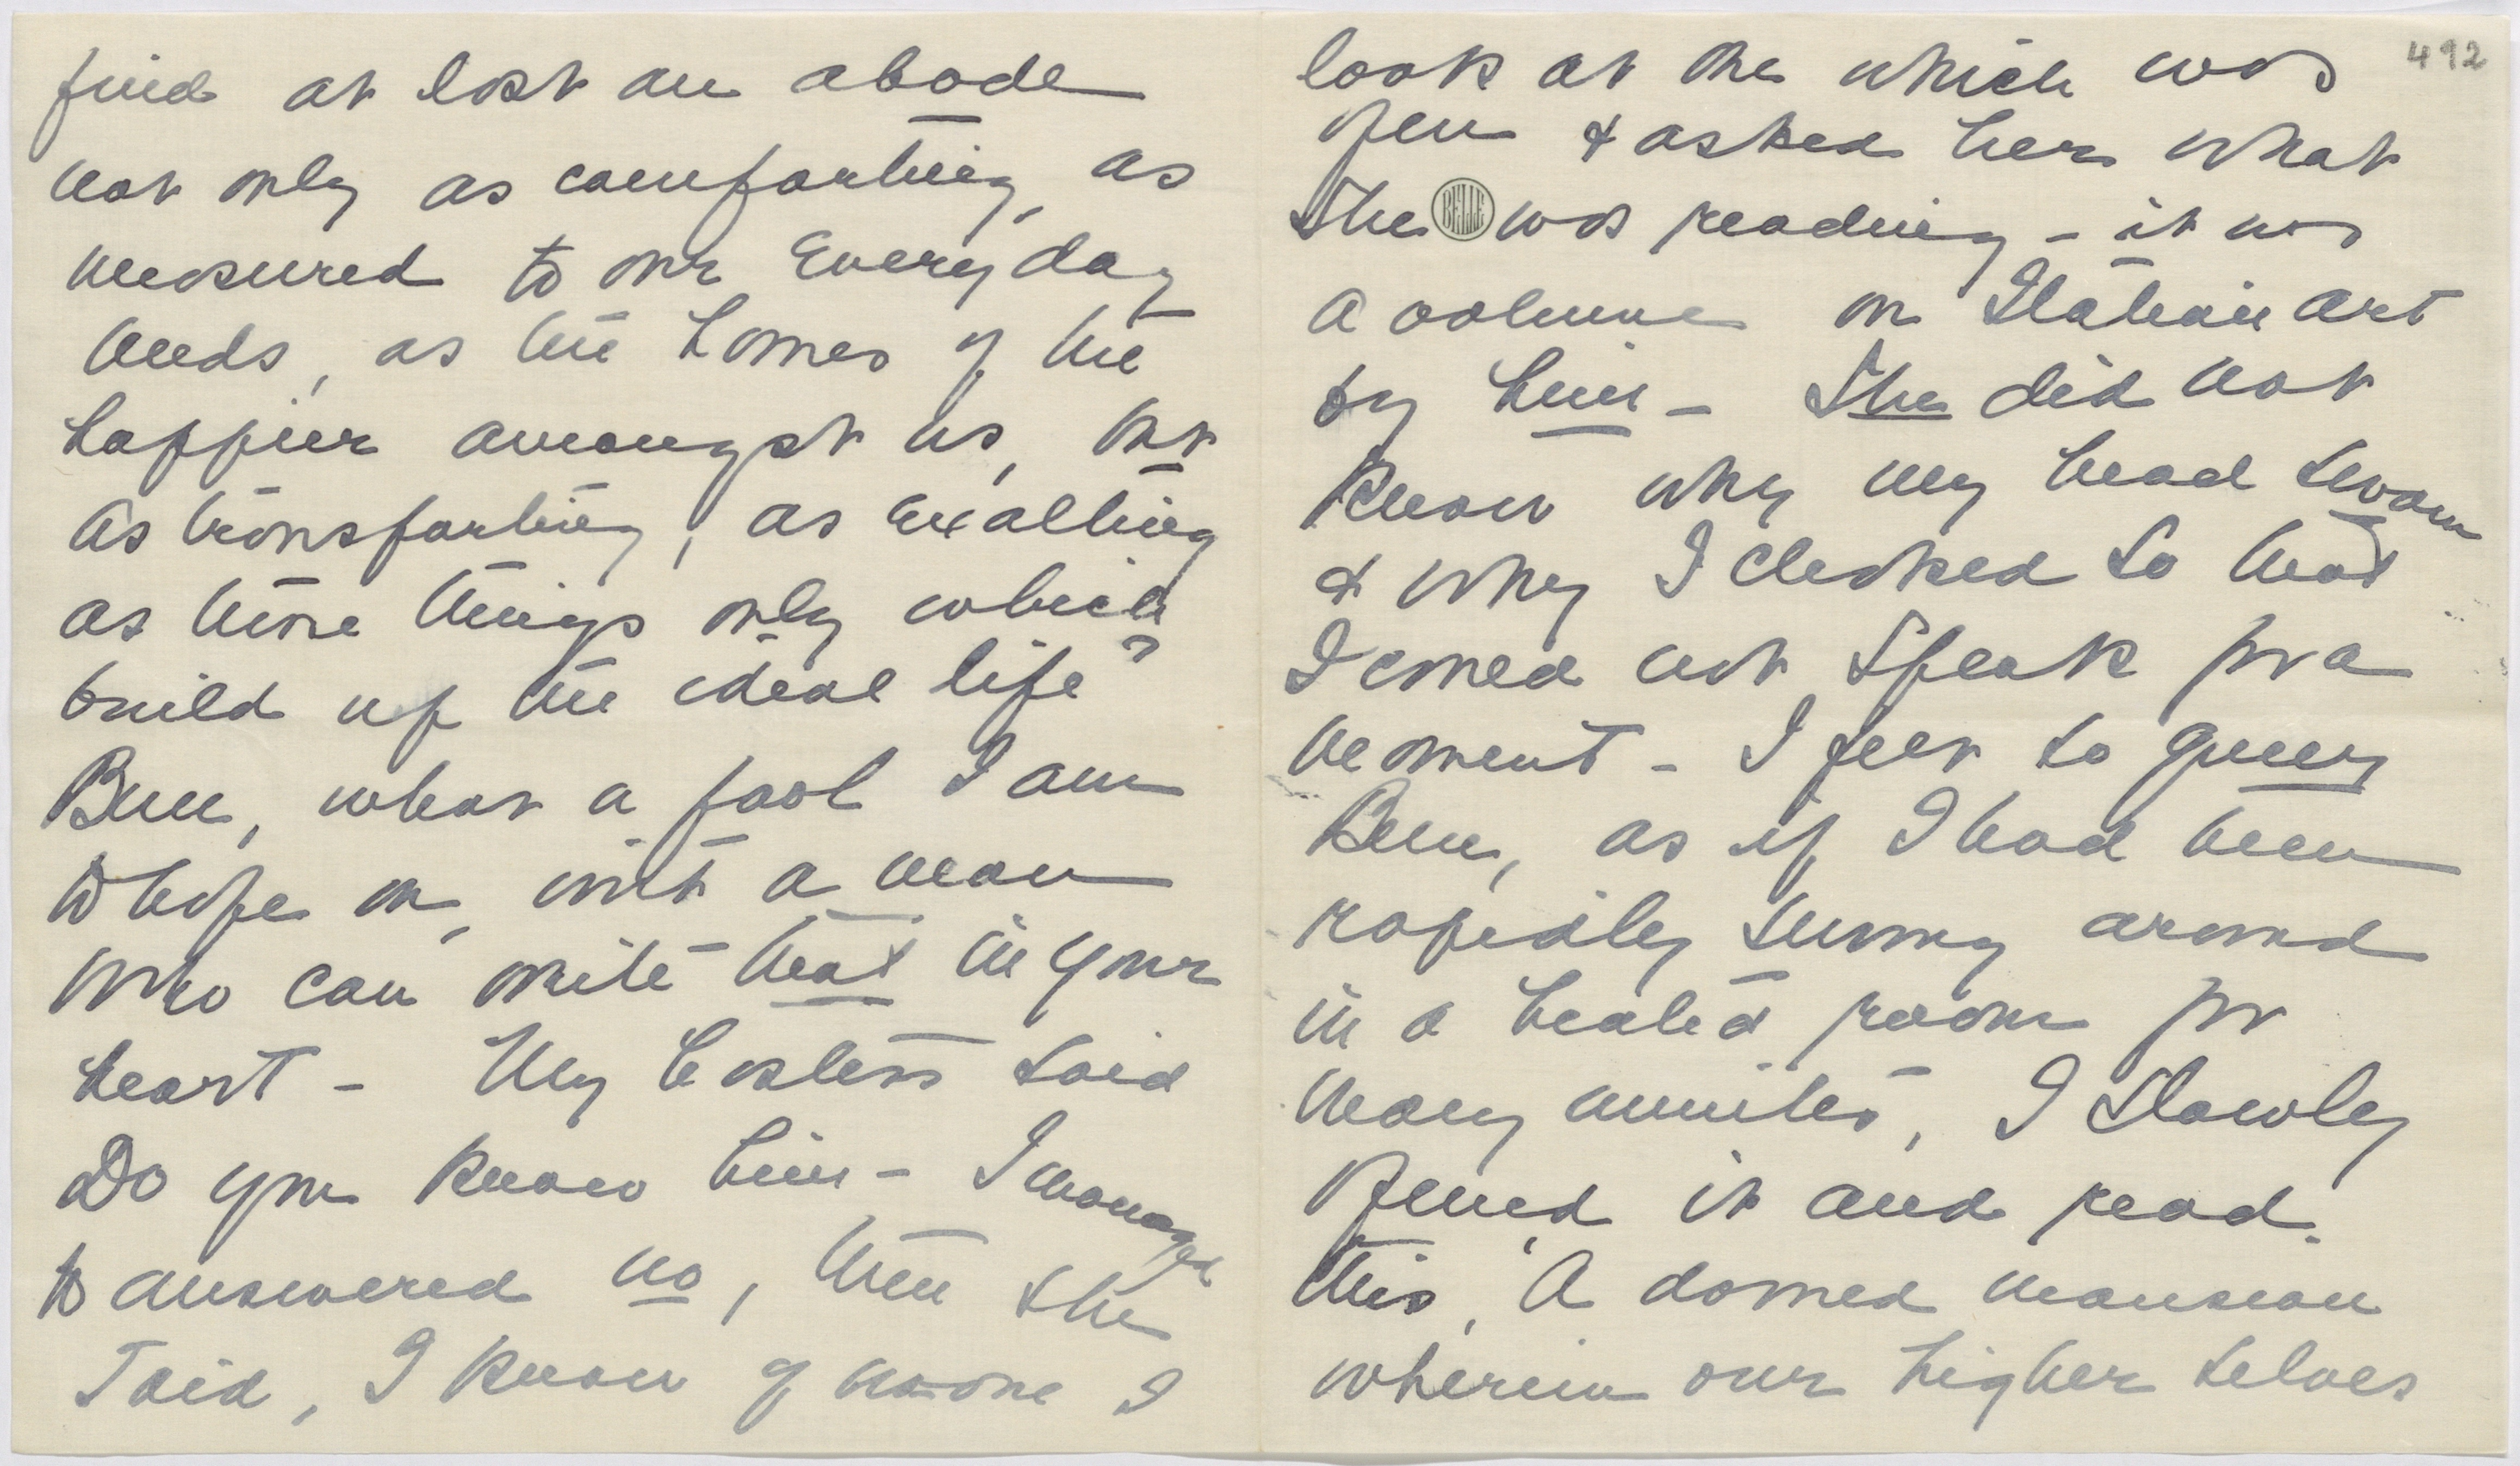look at one which was open & asked her what she was reading – it was a volume on Italian art by him – She did not know why my head swam & why I choked so that I could not speak for a moment – I felt so queer Belle, as if I had been rapidly swung around in a heated room for many minutes, I slowly opened it and read this, ‘A domed mansion wherein our higher selves
find at least an abode not only as comforting, as measured to our every day needs, as the homes of the happier amongst us, but as transporting, as exalting as those things only which build up the ideal life’ Belle, what a fool I am to hope on, with a man who can write that in your heart – My hostess said Do you know him – I managed to answered [sic] no, then she said, I know of noone I